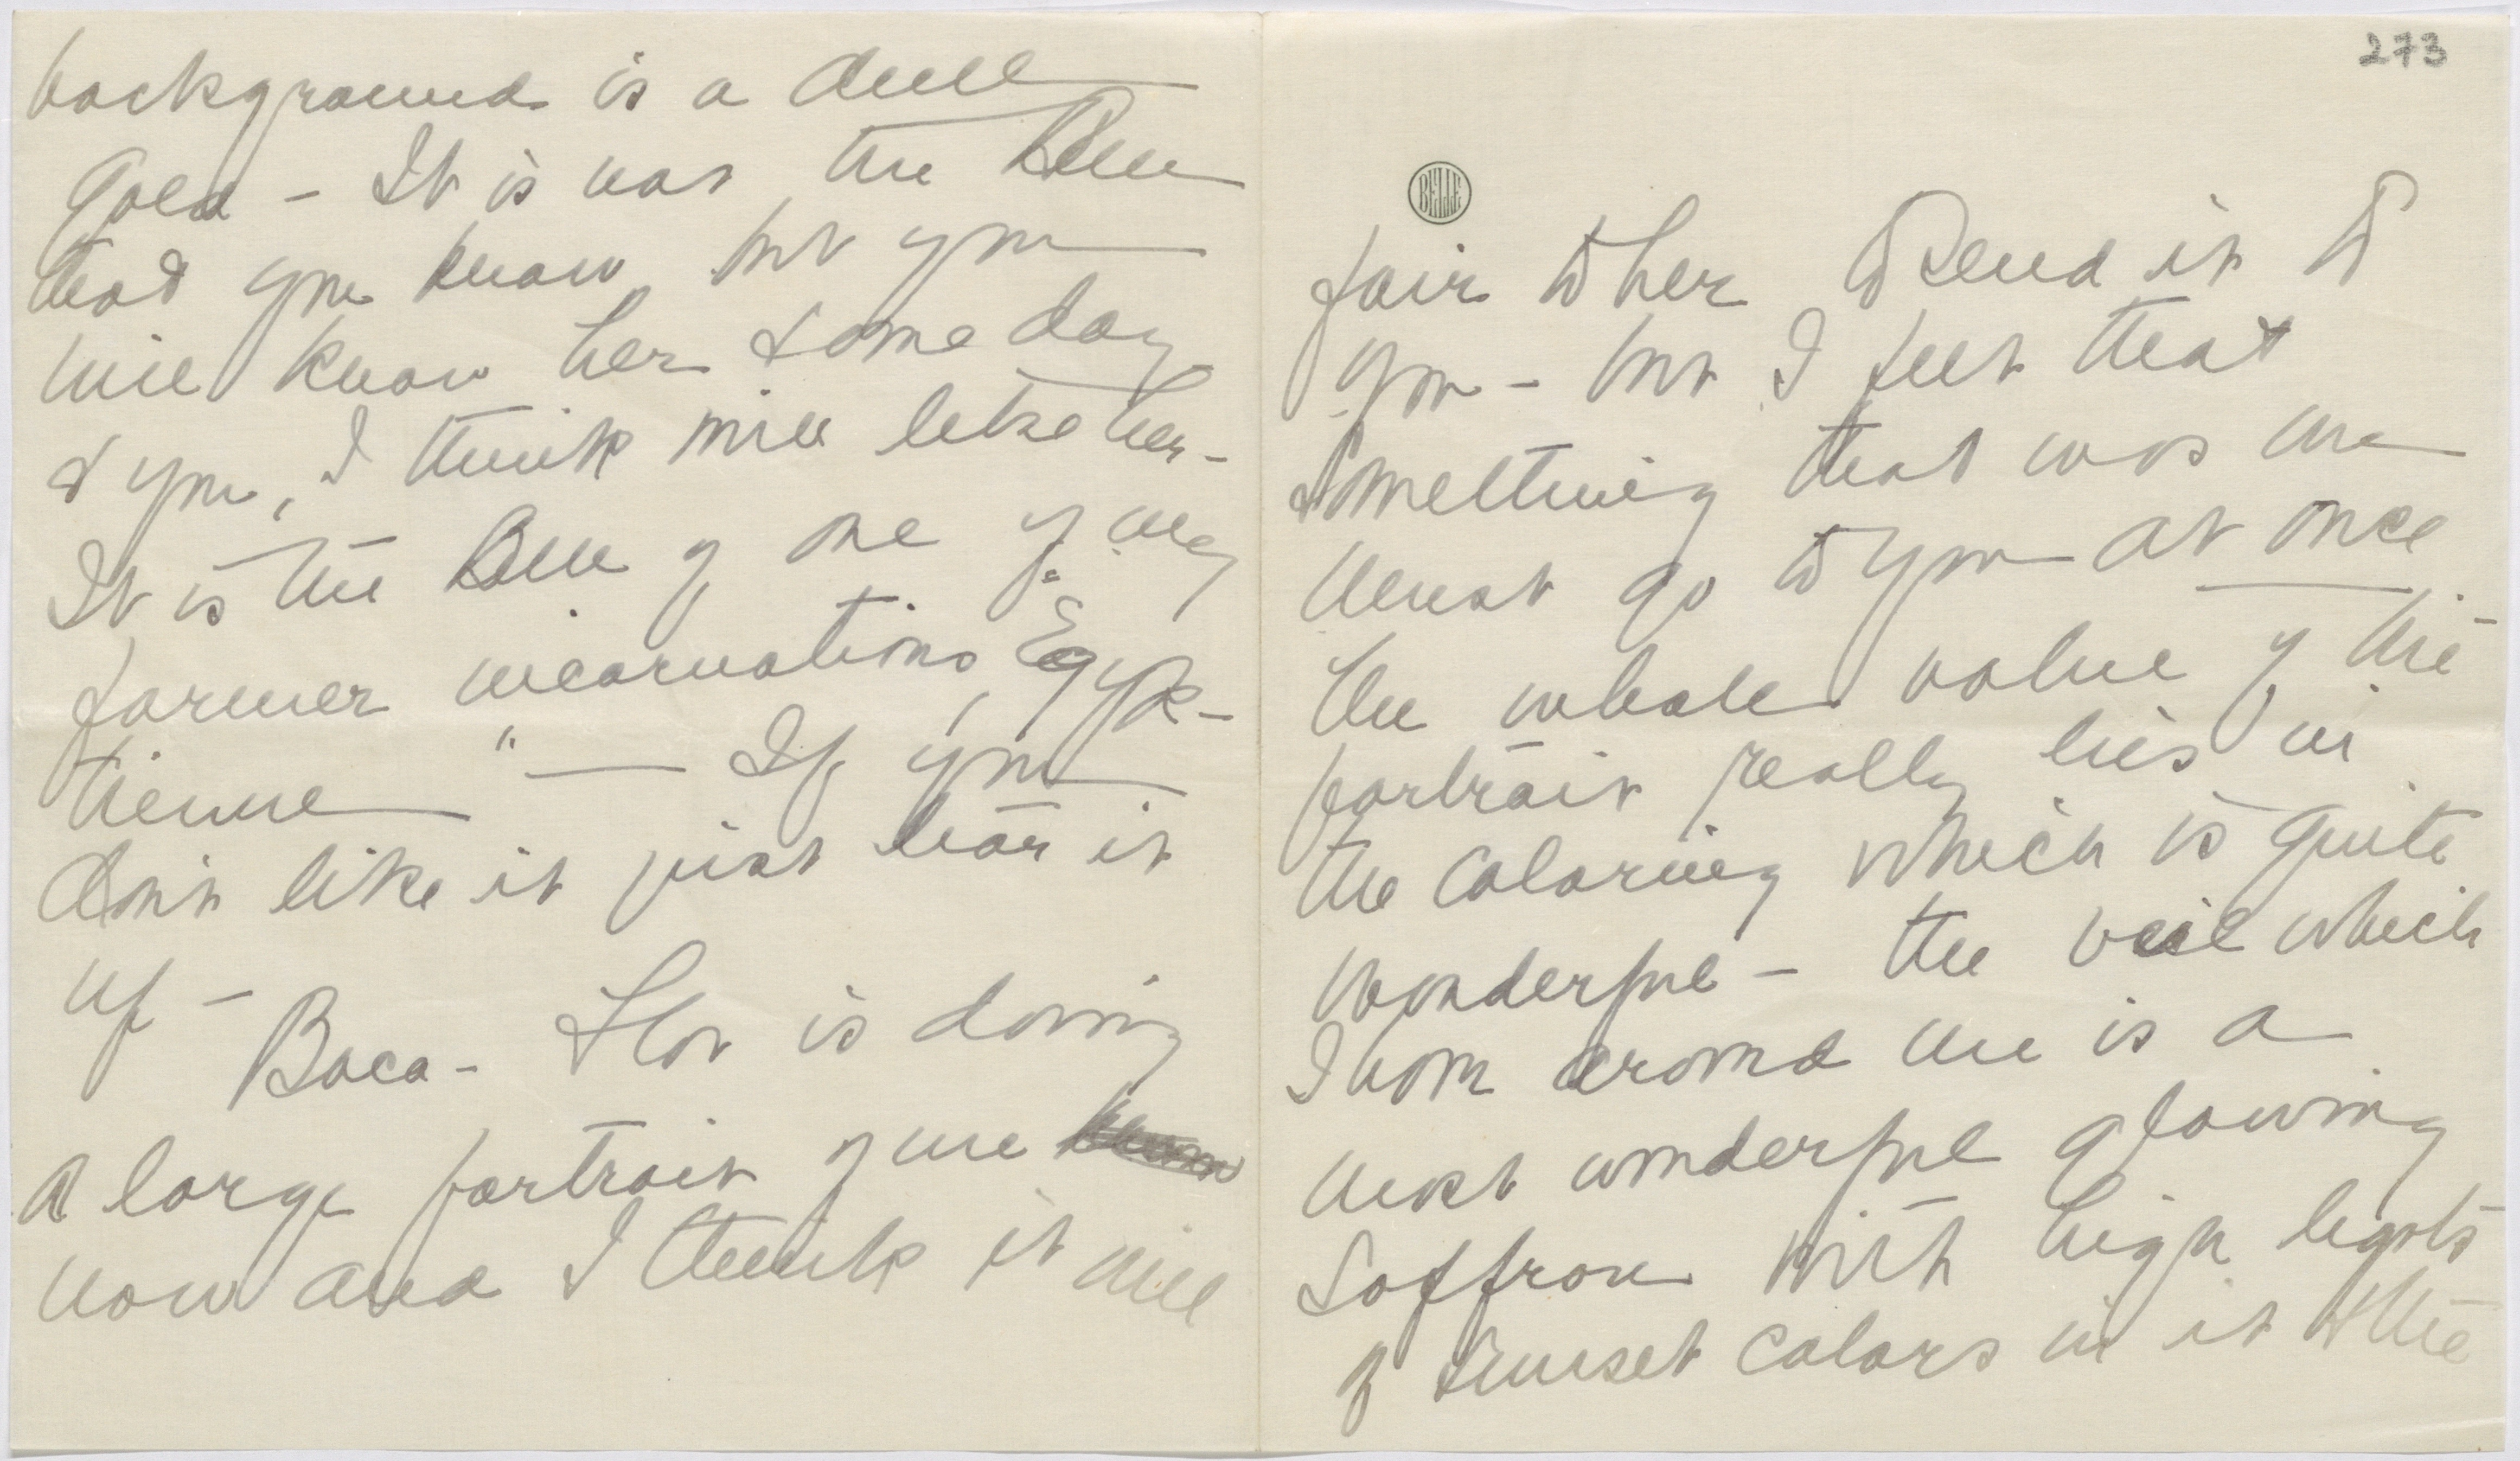fair to her to send it to you – but I felt that something that was me must go to you at once
The whole value of the portrait really lies in the coloring which is quite wonderful – the veil which I have around me is a most wonderful glowing saffron with high lights of sunset colors in it & the
background is a dull gold – It is not the Belle that you know but you will know her some day & you, I think will like her – It is the Belle of one of my former incarnations “Egyptienne” – If you don’t like it just tear it up –
Baca-Flor is doing a large portrait of me [illegible deletion] now and I think it will